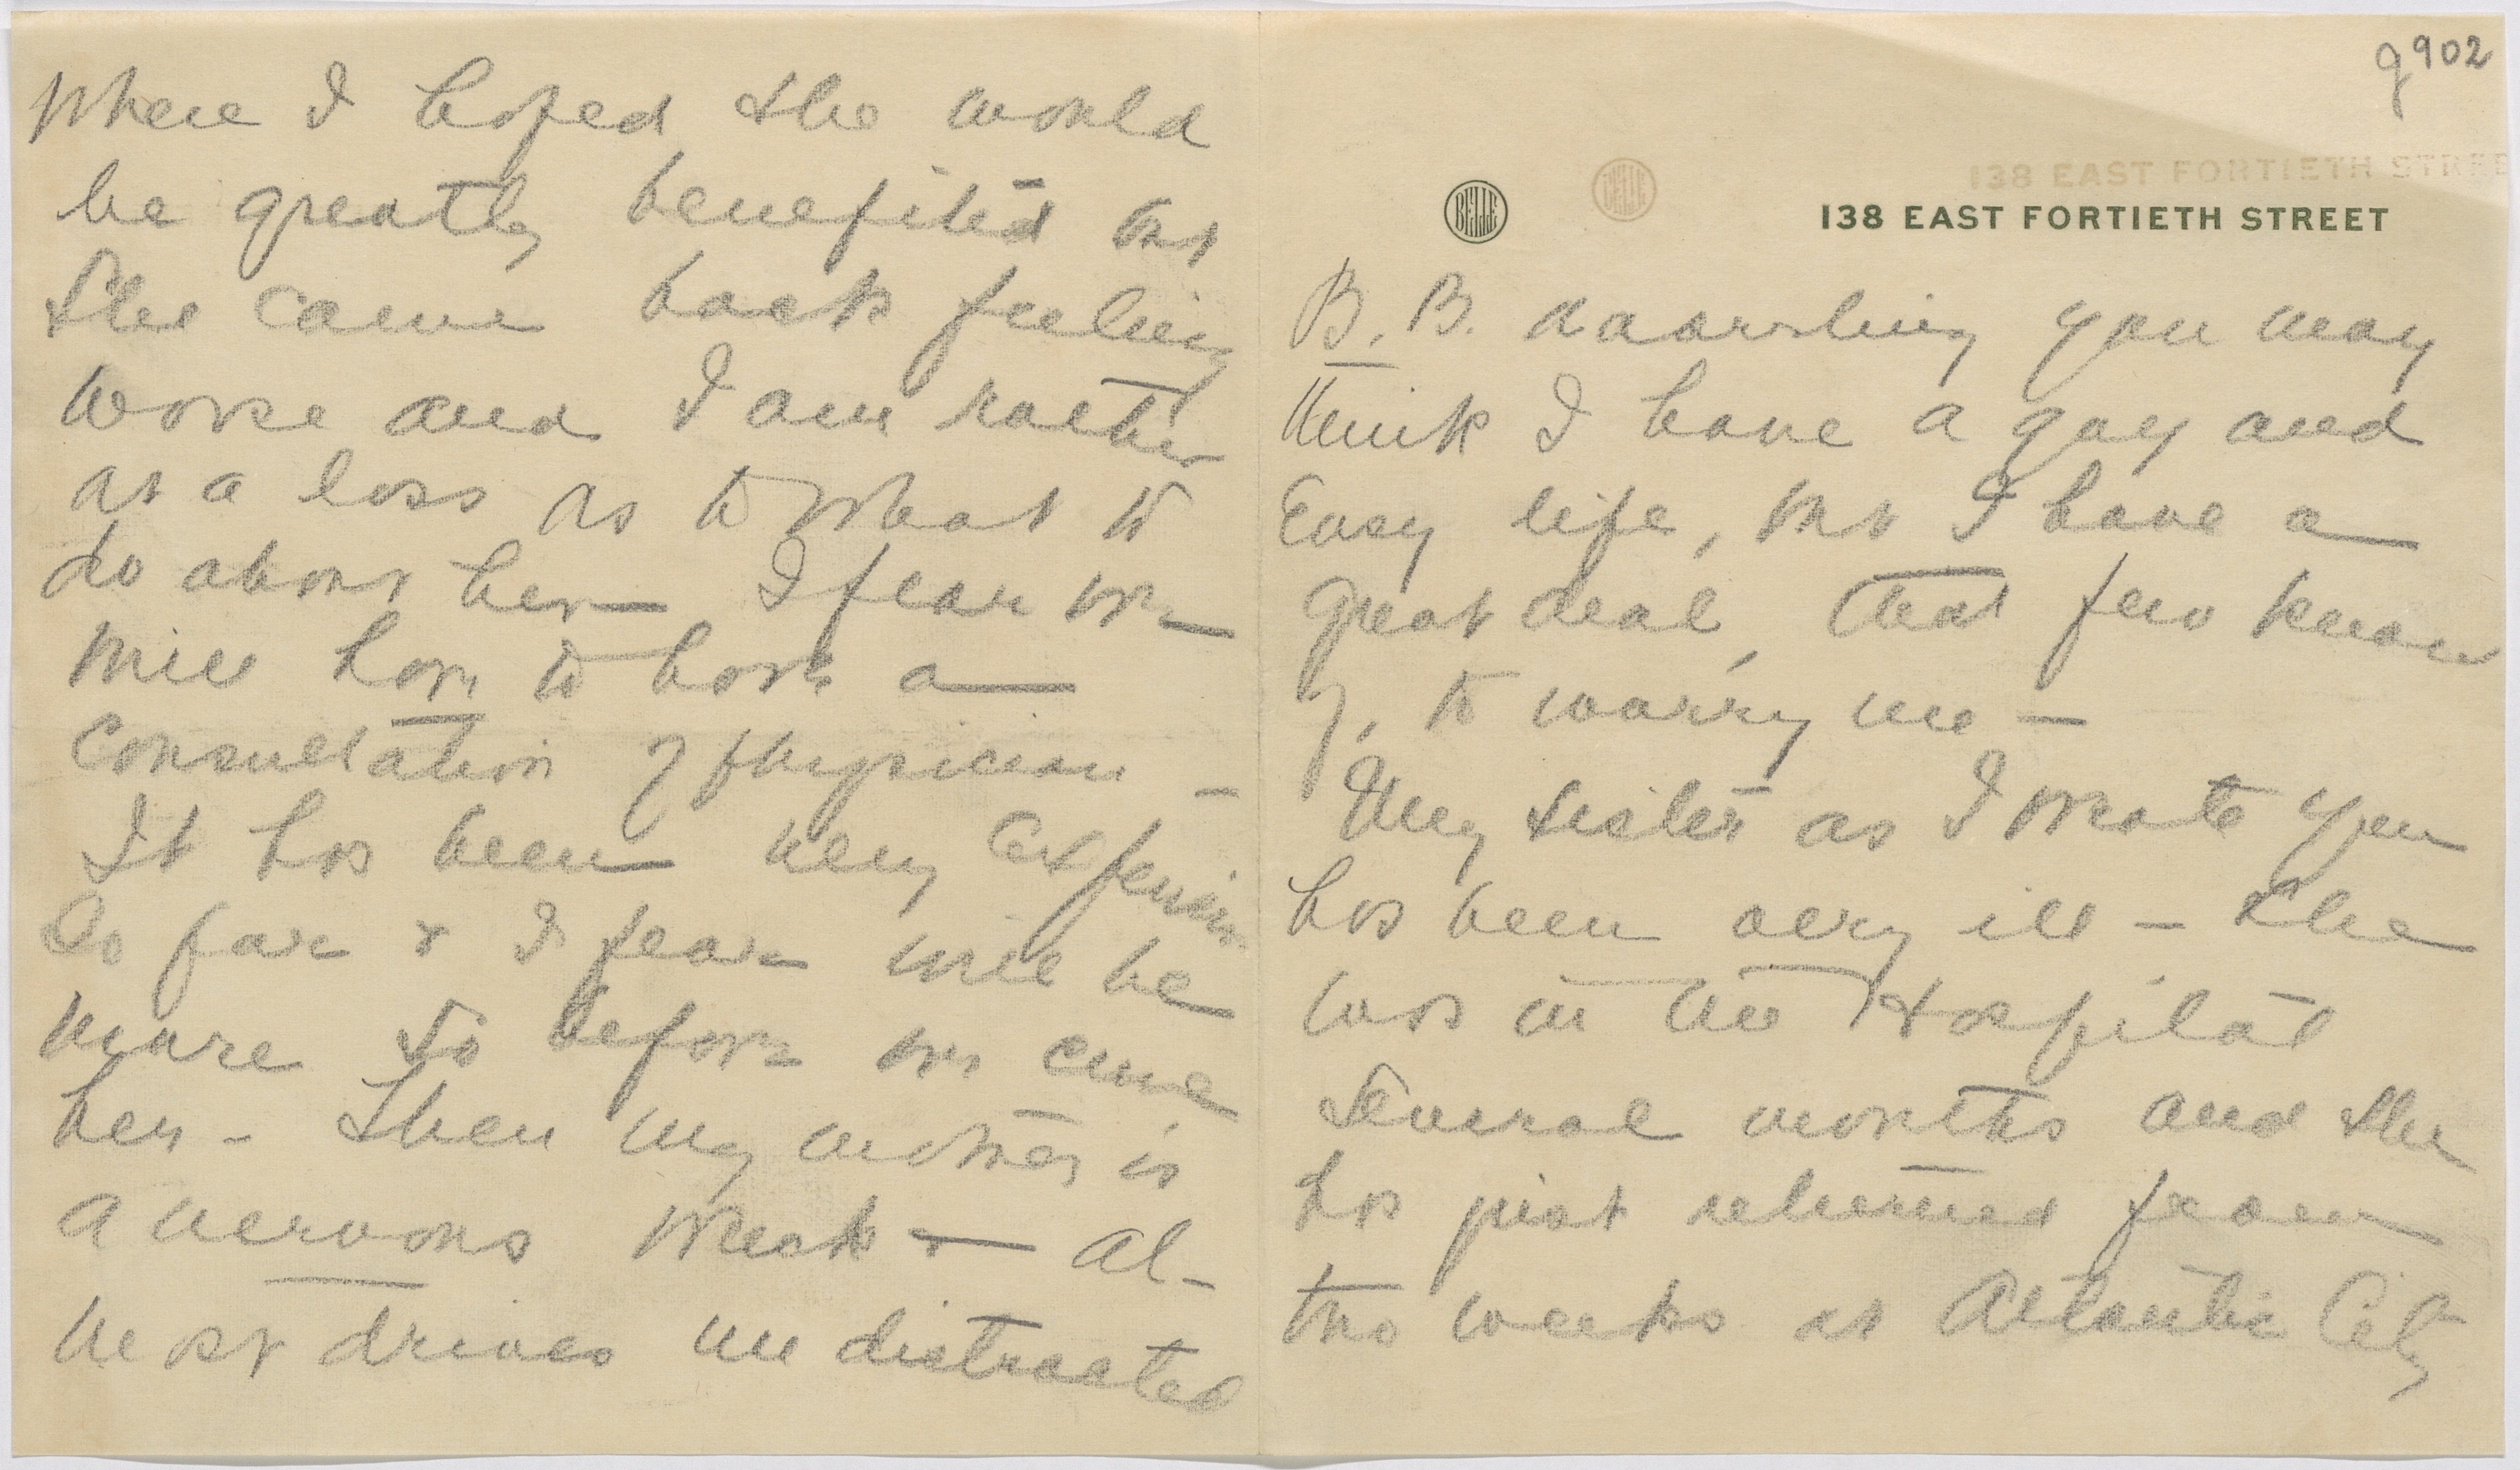B.B. daarrling [sic] you may think I have a gay and easy life, but I have a great deal, that few know of, to worry me –
My sister as I wrote you has been very ill – she was in the Hospital several months and she has just returned from two weeks at Atlantic City
where I hoped she would be greatly benefited but she came back feeling worse and I am rather at a loss as to what to do about her – I fear we will have to have a consultation of physician – It has been very expensive so far & I fear will be more so before we cure her – Then my mother is a nervous wreck – almost drives me distracted